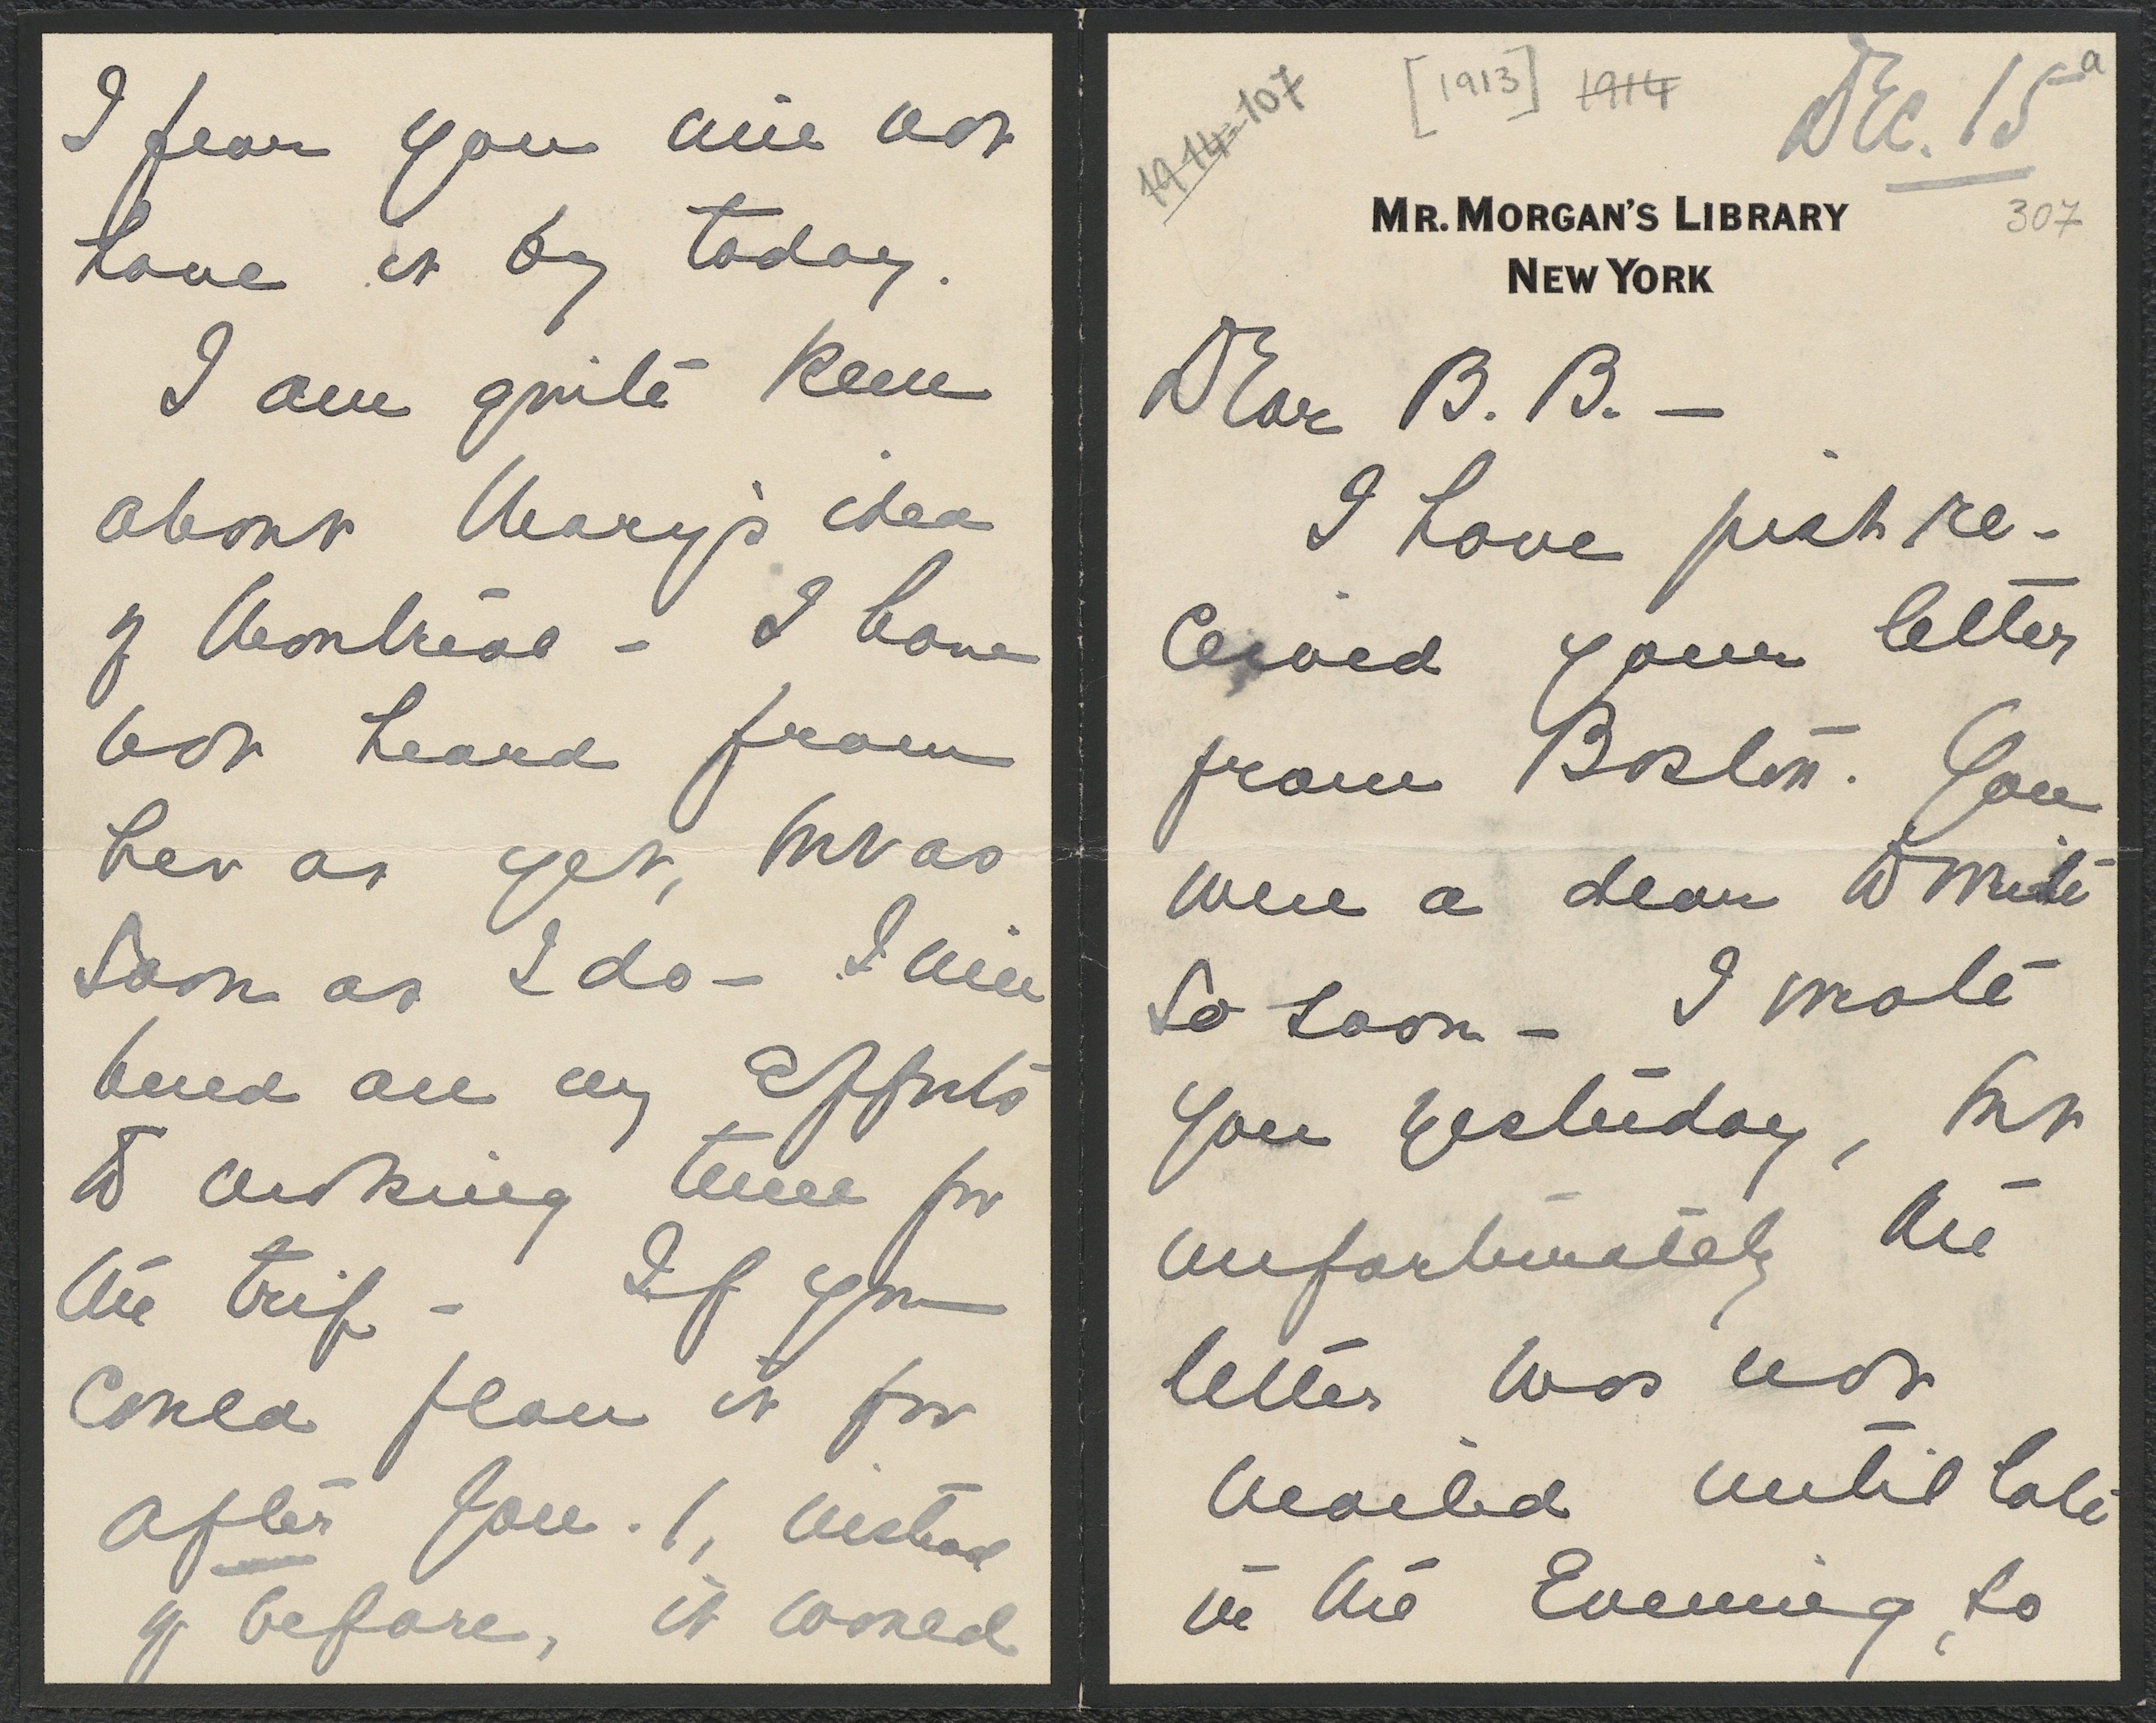Dec. 15
Dear B. B. –
I have just received your letter from Boston. You were a dear to write so soon – I wrote you yesterday, but unfortunately the letter was not mailed until late in the evening, so
I fear you will not have it by today.
I am quite keen about Mary’s idea of Montreal – I have not heard from her as yet, but as soon as I do – I will bend all my efforts to making time for the trip – If you could plan it for after Jan. 1, instead of before, it would